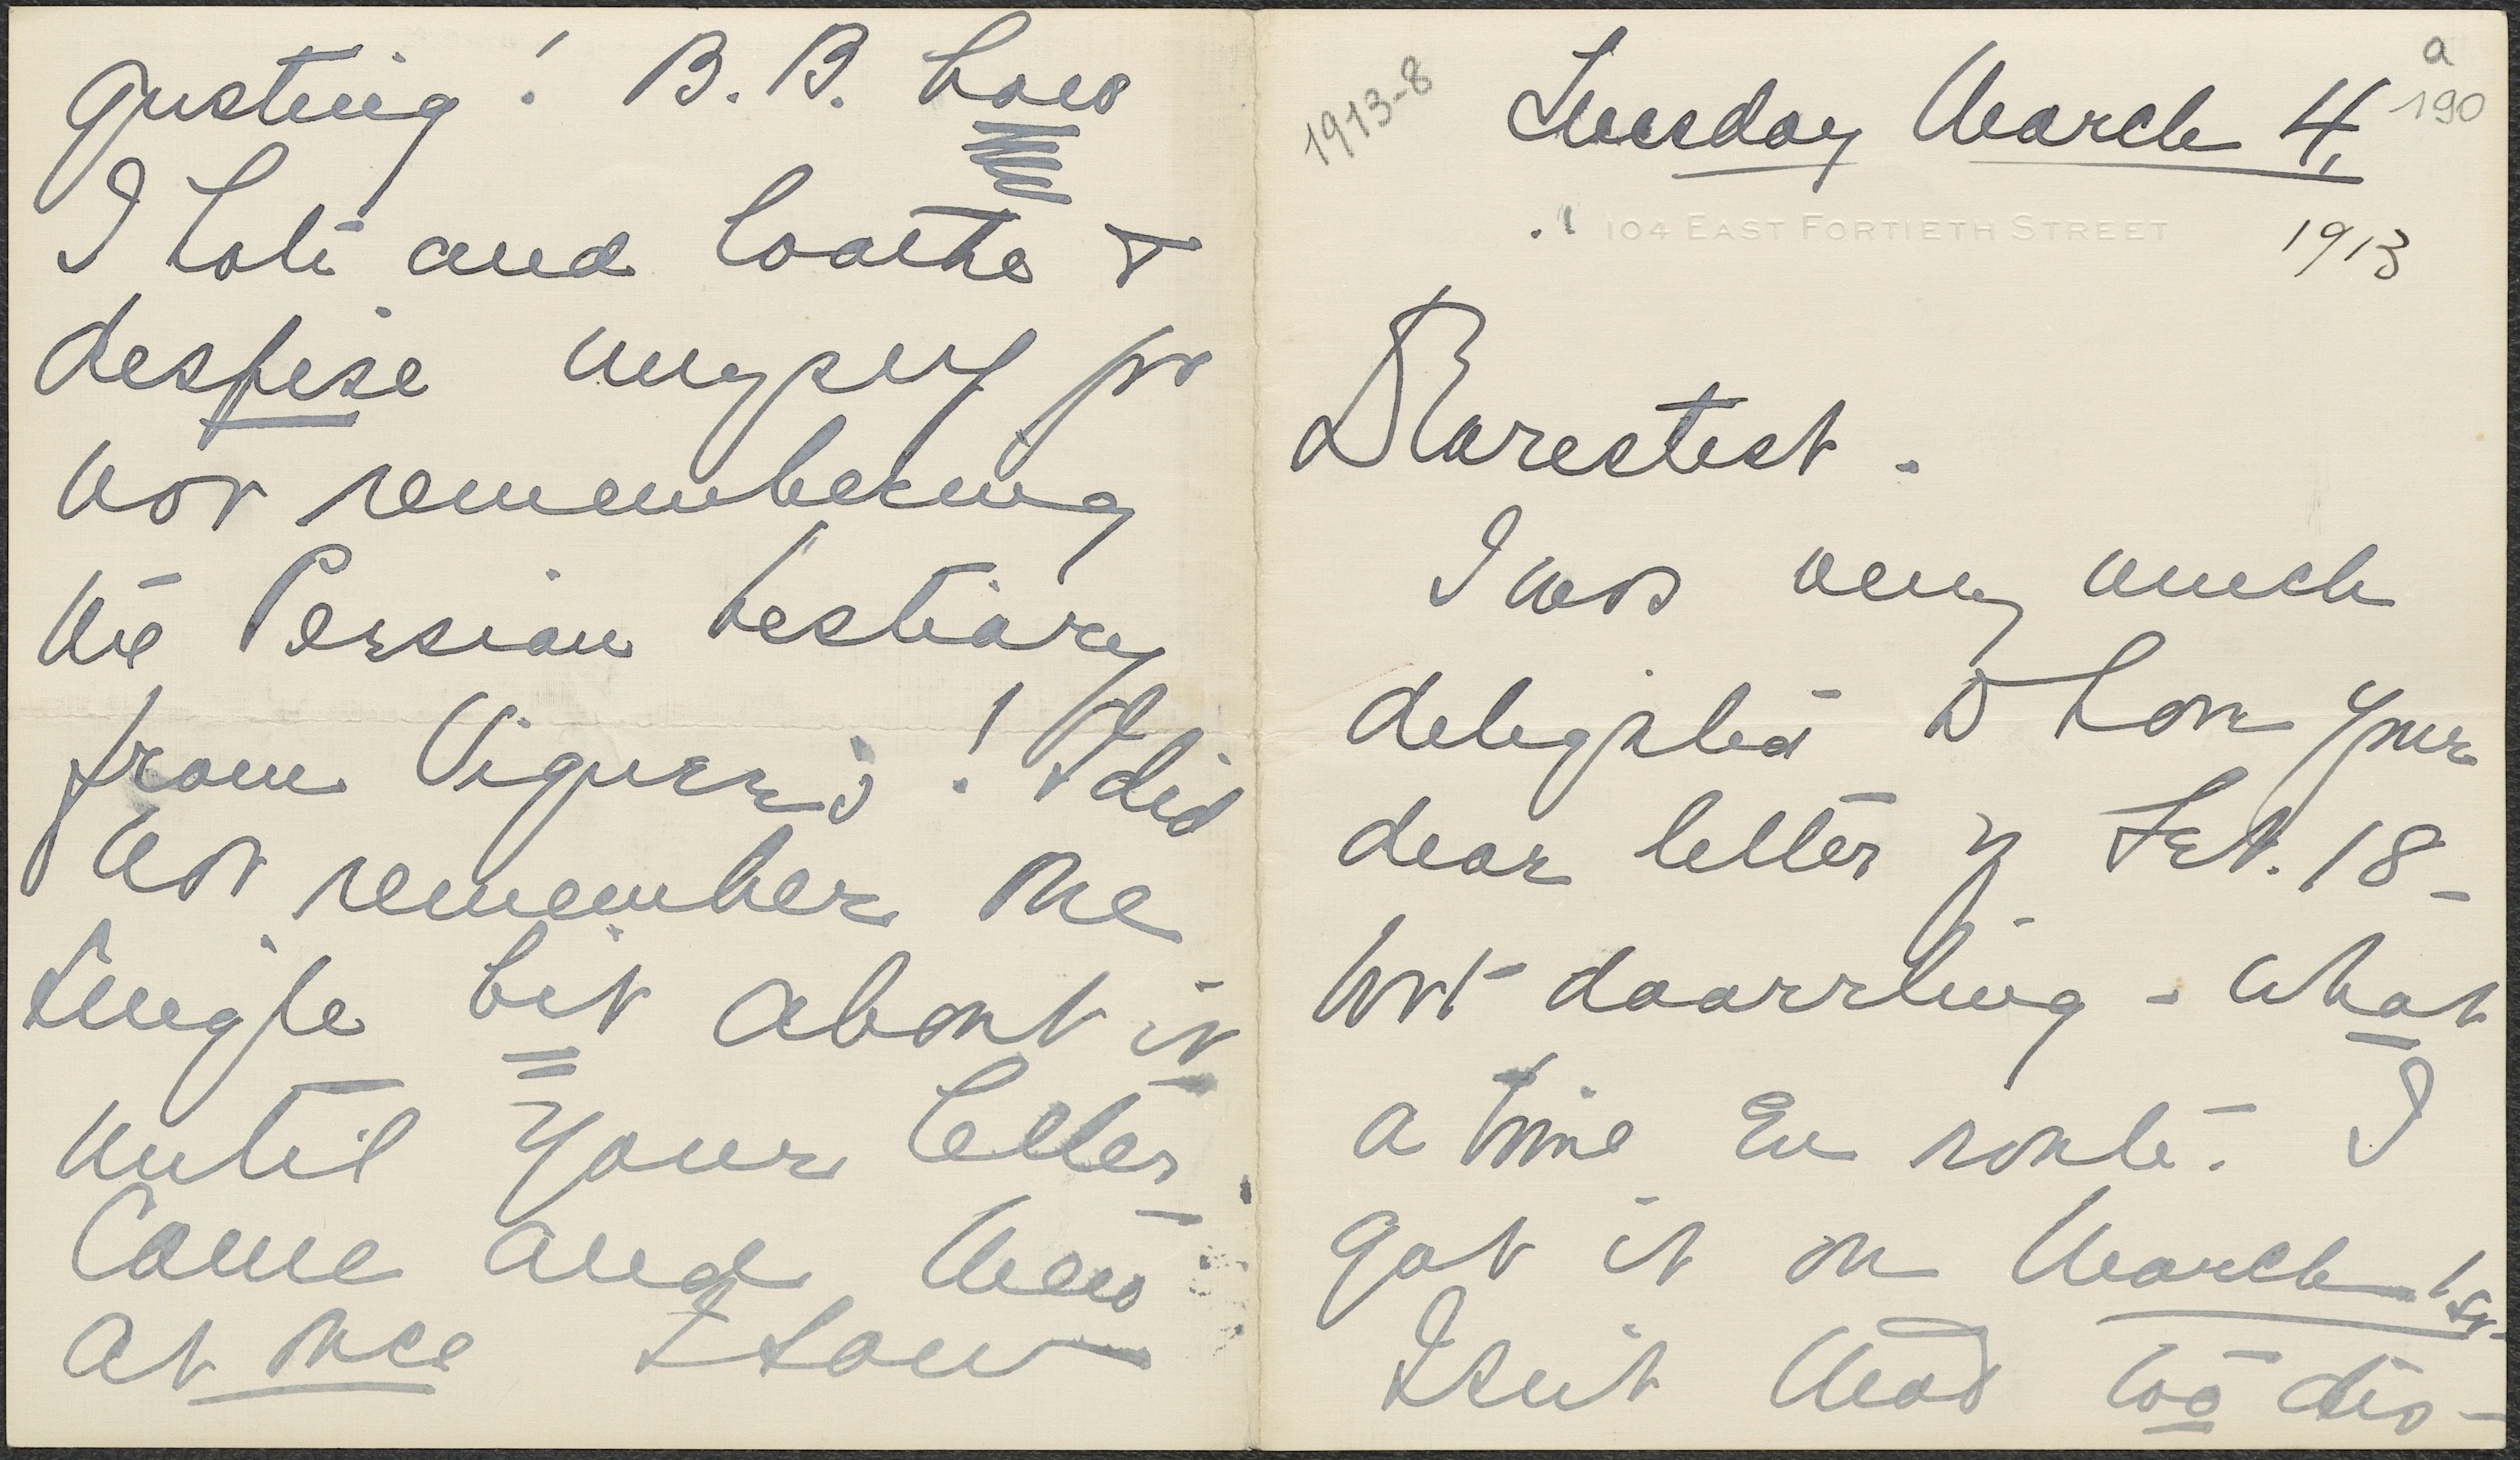Tuesday, March 4, 1913
Dearestest –
I was very much delighted to have your dear letter of Feb. 18 – but daarrling – what a time en route. I got it on March 1st. Isn’t that too disgusting!
B. B. [quintuple underlined: how] I hate and loathe & despise myself for not remembering the Persian bestiary from Vignee’s [sic]! I did not remember one single [double underlined: bit] about it until your letter came and then at once I saw